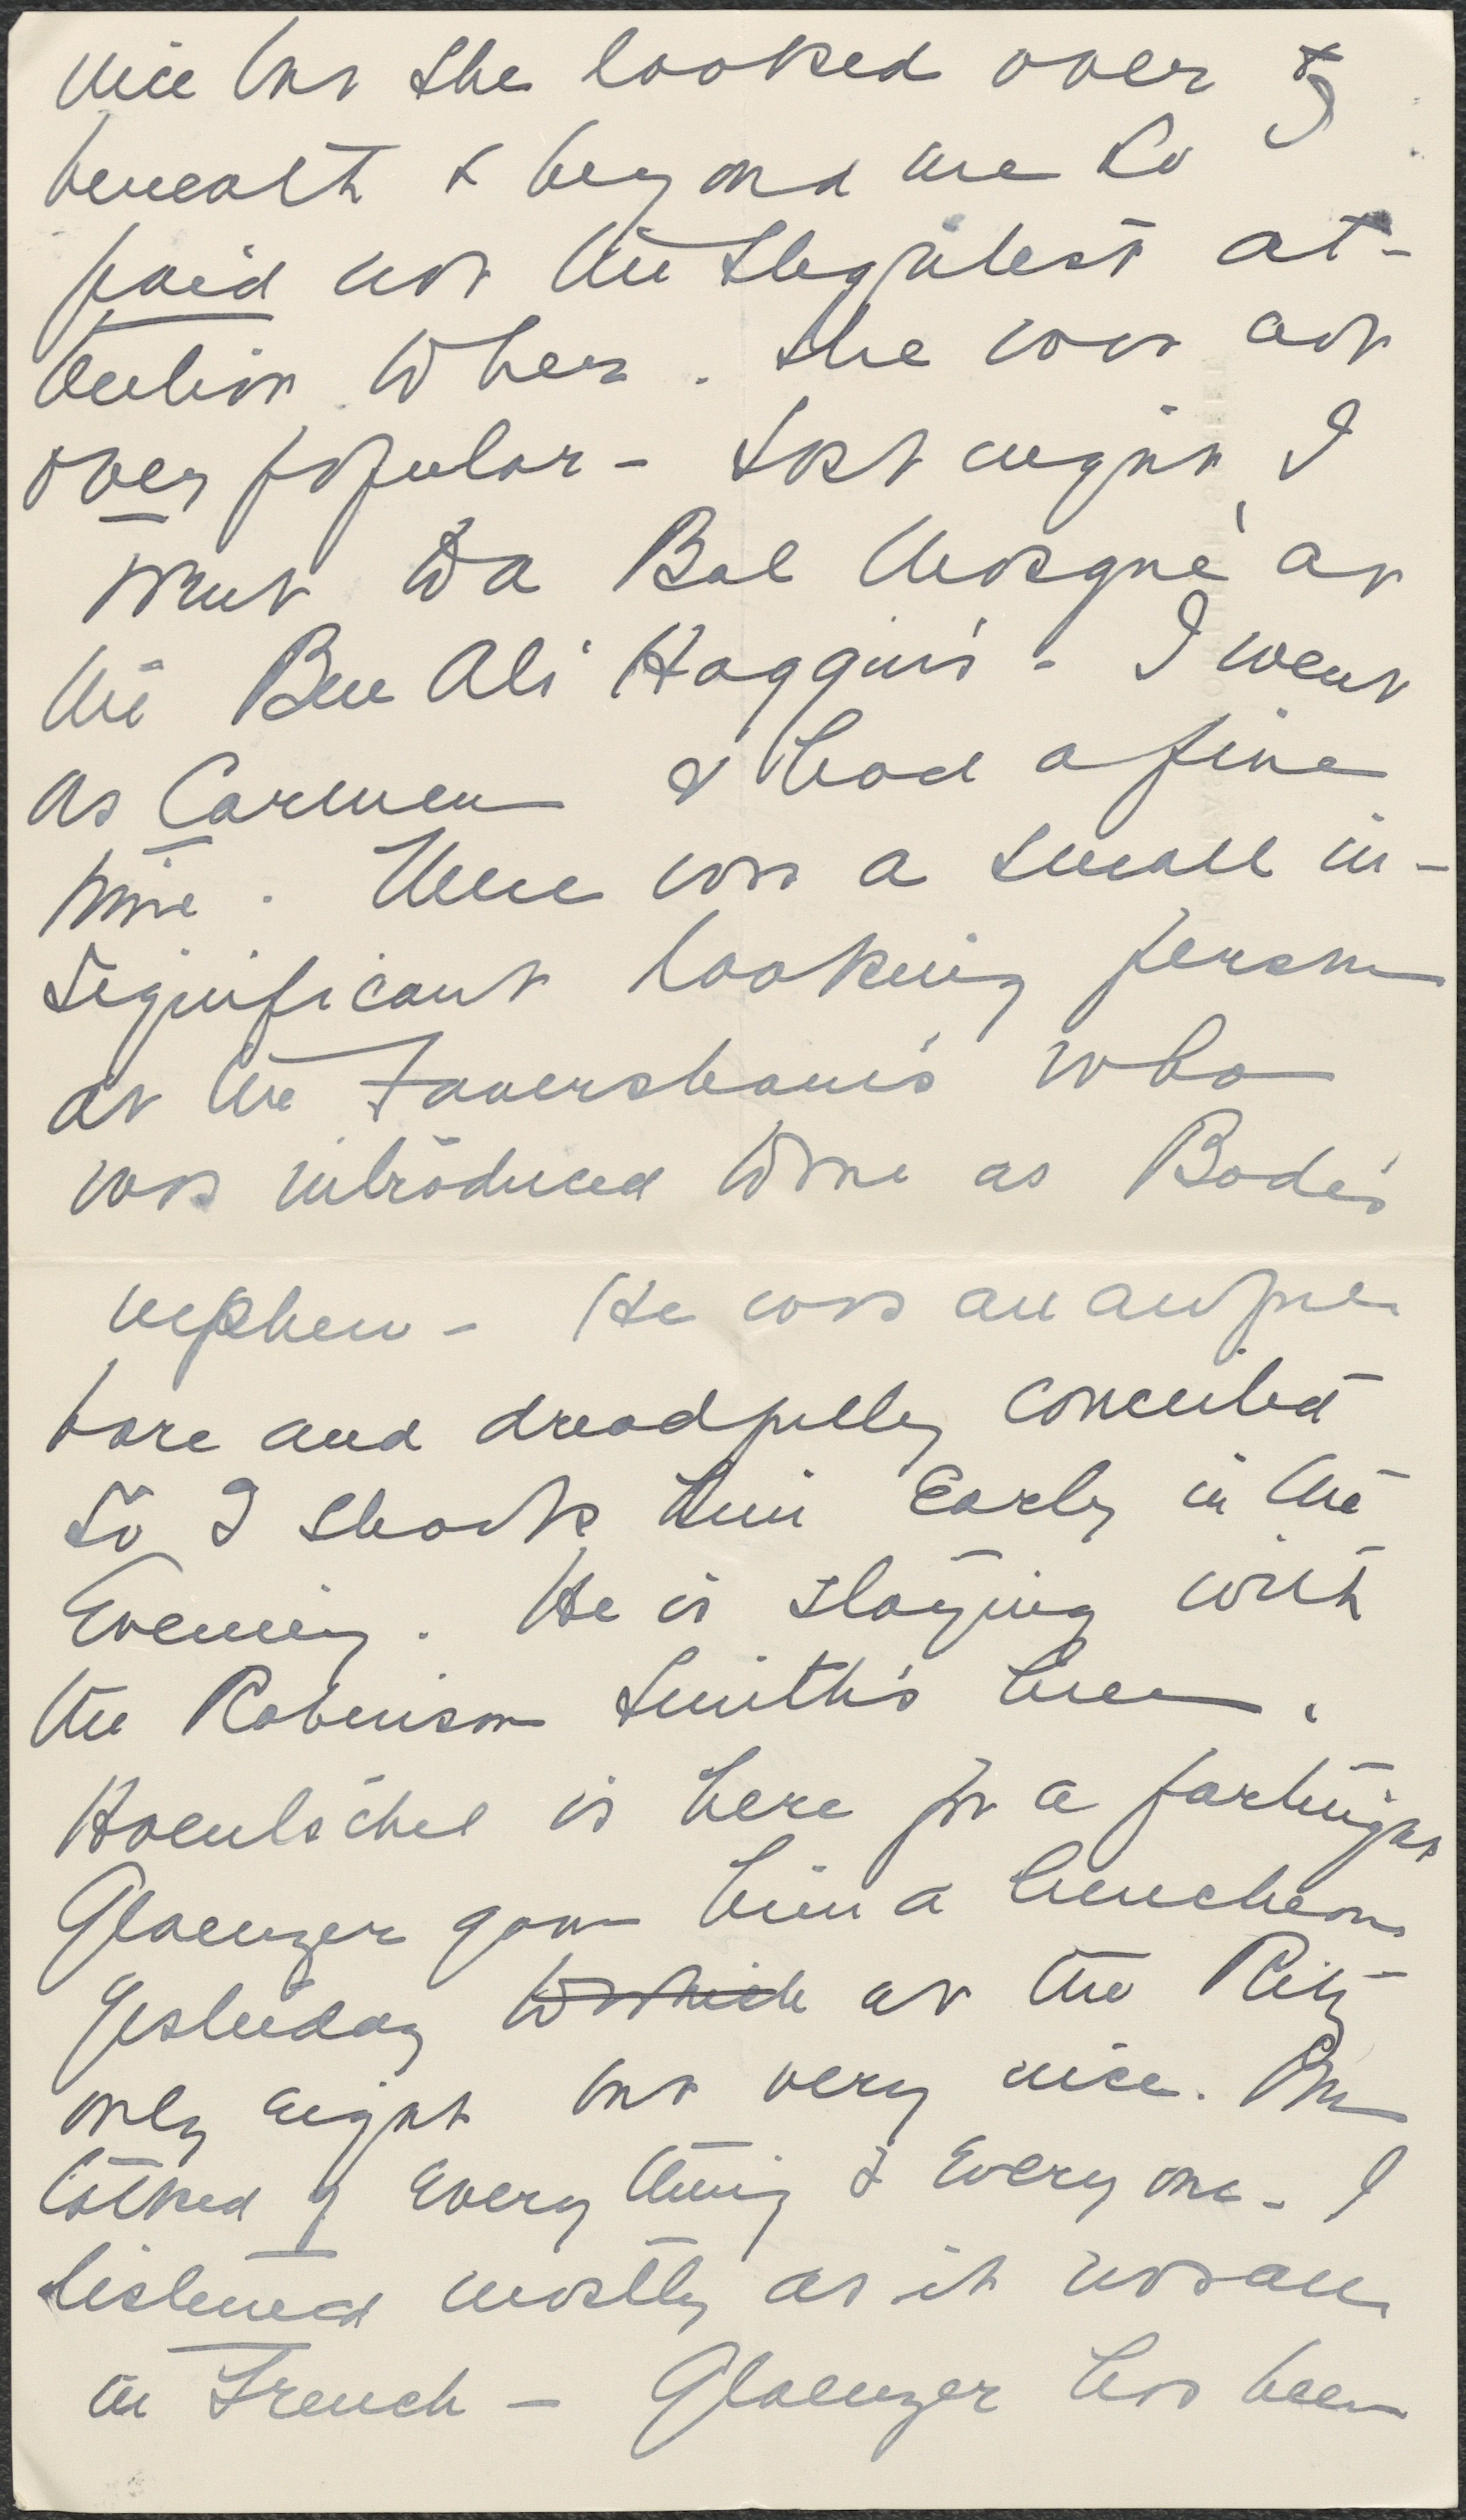nice but she looked over & beneath & beyond me so paid not the slightest attention to her – She was not over popular – Last night I went to a Bal Masquè at the Ben Ali Haggin’s – I went as Carmen & had a fine time. There was a small insignificant looking person at the Faversham’s who was introduced to me as Bode’s nephew – he was an awful bore and dreadfully conceited so I shook him early in the evening. he is staying with the Robinson Smith’s here. Hoentschel is here for a fortnight
Glaenzer gave him a luncheon yesterday to which at the Ritz only eight but very nice. We talked of every thing & every one – I listened mostly as it was all in French – Glaenzer has been